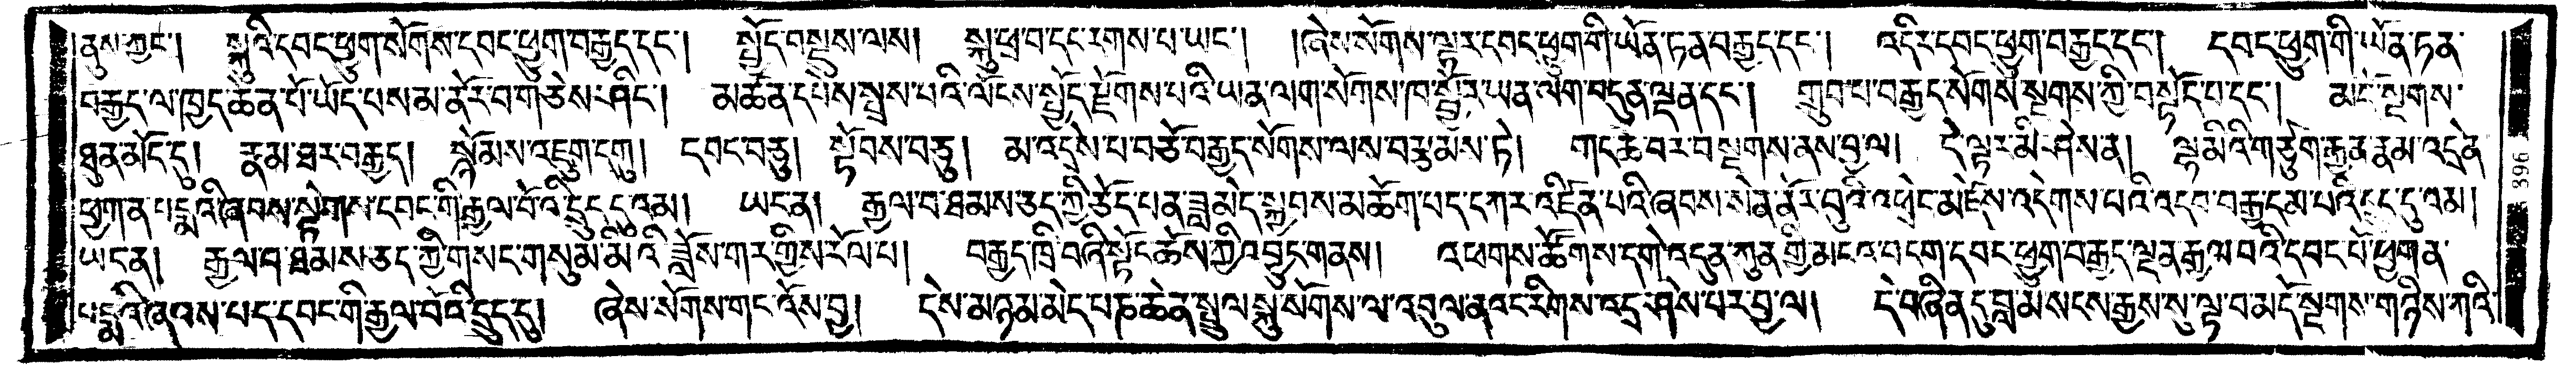ནུས་ཀྱང་། སྐུའི་དབང་ཕྱུག་སོགས་དབང་ཕྱུག་བརྒྱད་དང་། སྤྱོད་བསྡུས་ལས། སྐུ་ཕྲ་བ་དང་རགས་པ་ཡང་། །ཞེས་སོགས་ལྟར་དབང་ཕྱུག་གི་ཡོན་ཏན་བརྒྱད་དང་། འདིར་དབང་ཕྱུག་བརྒྱད་དང་། དབང་ཕྱུག་གི་ཡོན་ཏན་
བརྒྱད་ལ་ཁྱད་ཆེན་པོ་ཡོད་པས་མ་ནོར་བ་གཅེས་ཤིང་། མཚན་དཔེས་སྤྲས་པའི་ལོངས་སྤྱོད་རྫོགས་པའི་ཡན་ལག་སོགས་ཁ་སྦྱོར་ཡན་ལག་བདུན་ལྡན་དང་། གྲུབ་པ་བརྒྱད་སོགས་སྔགས་ཀྱི་བསྟོད་པ་དང་། མདོ་སྔགས་
ཐུན་མོང་དུ། རྣམ་ཐར་བརྒྱད། སྙོམས་འཇུག་དགུ། དབང་བཅུ། མ་འདྲེས་པ་བཅོ་བརྒྱད་སོགས་ལས་བརྩམས་ཏེ། གང་ཆེ་བར་བསྔགས་ནས་བྱ་ལ། དེ་ལྟར་མི་ཤེས་ན། ལྷ་མིའི་གཙུག་རྒྱན་རྣམ་འདྲེན་
ཕྱག་ན་པདམའི་ཞབས་སྟེགས་དབང་གི་རྒྱལ་པོ་དྲུང་དུའམ། ཡང་ན། རྒྱལ་བ་ཐམས་ཅད་ཀྱི་ཅོད་པན་ཟླ་མེད་སྐྱབས་མཆོག་པད་དཀར་འཛིན་པའི་ཞབས་སེན་ནོར་བུའི་འཕྲེང་མཛེས་འདེགས་པའི་འདབ་བརྒྱ་དམ་པའི་དྲུང་དུ་འམ།
ཡང་ན། རྒྱལ་བ་ཐམས་ཅད་ཀྱི་གསང་གསུམ་མིའི་ཟློས་གར་གྱིས་རོལ་པ། བརྒྱད་ཁྲི་བཞི་སྟོང་ཆོས་ཀྱི་འབྱུང་གནས། འཕགས་ཚོགས་དགེ་འདུན་ཀུན་གྱི་མངའ་བདག་དབང་ཕྱུག་བརྒྱད་ལྡན་རྒྱལ་བའི་དབང་པོ་ཕྱག་ན་
པདམའི་ཞབས་པད་དབང་གི་རྒྱལ་བོའི་དྲུང་དུ། ཞེས་སོགས་གང་འོས་བྱ། དེས་མཉམ་མེད་པཎ་ཆེན་སྤྲུལ་སྐུ་སོགས་ལ་འབུལ་ནའང་རིགས་འདྲ་ཤེས་པར་བྱ་ལ། དེ་བཞིན་དུ་བླ་མ་སངས་རྒྱས་སུ་ལྟ་བ་མདོ་སྔགས་གཉིས་ཀའི་